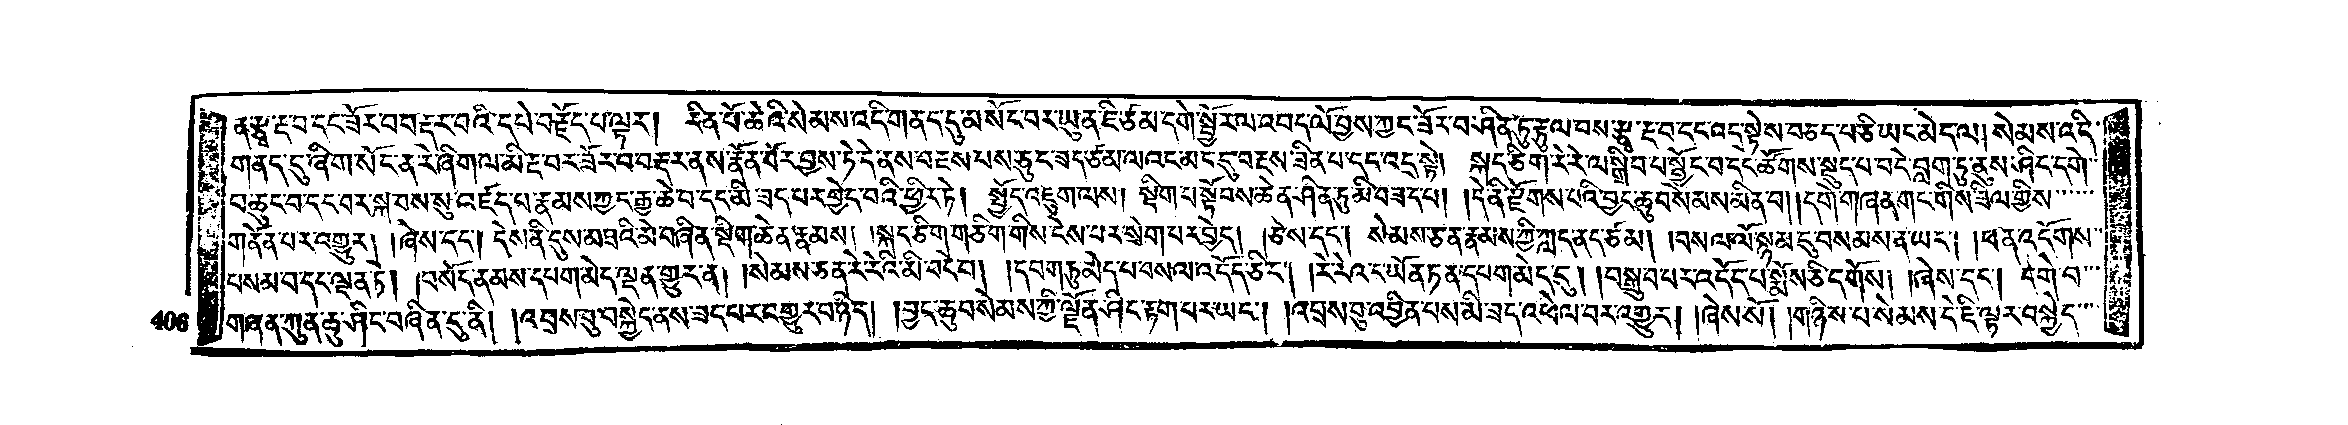ན་རྩྭ་རྔ་བ་དང་ཟོར་བ་བརྡར་བའི་དཔེ་བརྗོད་པ་ལྟར། རིན་པོ་ཆེའི་སེམས་འདི་གནད་དུ་མ་སོང་བར་ཡུན་ཇི་ཙམ་དགེ་སྦྱོར་ལ་འབད་ལོ་བྱས་ཀྱང་ཟོར་བ་ཤིན་ཏུ་རྟུལ་བས་རྩྭ་རྔ་བ་དང་འདྲ་སྟེ་ས་བཅད་པ་ཅི་ཡང་མེད་ལ། སེམས་འདི་
གནད་དུ་ཞིག་སོང་ན་རེ་ཞིག་ལ་མི་རྔ་བར་ཟོར་བ་བརྡར་ནས་རྣོན་པོར་བྱས་ཏེ་དེ་ནས་བརྔས་པས་ཅུང་ཟད་ཙམ་ལའང་མང་དུ་བརྔས་ཟིན་པ་དང་འདྲ་སྟེ། སྐད་ཅིག་རེ་རེ་ལ་སྒྲིབ་པ་སྦྱོང་བ་དང་ཚོགས་སྡུད་པ་བདེ་བླག་ཏུ་ནུས་ཤིང་དགེ་
བ་ཆུང་བ་དང་བར་སྐབས་སུ་འཛད་པ་རྣམས་ཀྱང་རྒྱ་ཆེ་བ་དང་མི་ཟད་པར་བྱེད་པའི་ཕྱིར་ཏེ། སྤྱོད་འཇུག་ལས། སྡིག་པ་སྟོབས་ཆེན་ཤིན་ཏུ་མི་བཟད་པ། །དེ་ནི་རྫོགས་པའི་བྱང་ཆུབ་སེམས་མིན་པ། །དགེ་གཞན་གང་གིས་ཟིལ་གྱིས་
གནོན་པར་འགྱུར། །ཞེས་དང་། དེས་ནི་དུས་མཐའི་མེ་བཞིན་སྡིག་ཆེན་རྣམས། །སྐད་ཅིག་གཅིག་གིས་ངེས་པར་སྲེག་པར་བྱེད། །ཅེས་དང་། སེམས་ཅན་རྣམས་ཀྱི་ཀླད་ནད་ཙམ། །བསལ་ལོ་སྙམ་དུ་བསམས་ན་ཡང་། །ཕན་འདོགས་
བསམ་པ་དང་ལྡན་ཏེ། །བསོད་ནམས་དཔག་མེད་ལྡན་གྱུར་ན། །སེམས་ཅན་རེ་རེའི་མི་བདེ་བ། །དཔག་ཏུ་མེད་པ་བསལ་འདོད་ཅིང་། །རེ་རེའང་ཡོན་ཏན་དཔག་མེད་དུ། །བསྒྲུབ་པར་འདོད་པ་སྨོས་ཅི་དགོས། །ཞེས་དང་། དགེ་བ་
གཞན་ཀུན་ཆུ་ཤིང་བཞིན་དུ་ནི། །འབྲས་བུ་བསྐྱེད་ནས་ཟད་པར་འགྱུར་བ་ཉིད། །བྱང་ཆུབ་སེམས་ཀྱི་ལྗོན་ཤིང་རྟག་པར་ཡང་། །འབྲས་བུ་འབྱིན་པས་མི་ཟད་འཕེལ་བར་འགྱུར། །ཞེས་སོ། །གཉིས་པ་སེམས་དེ་ཇི་ལྟར་བསྐྱེད་